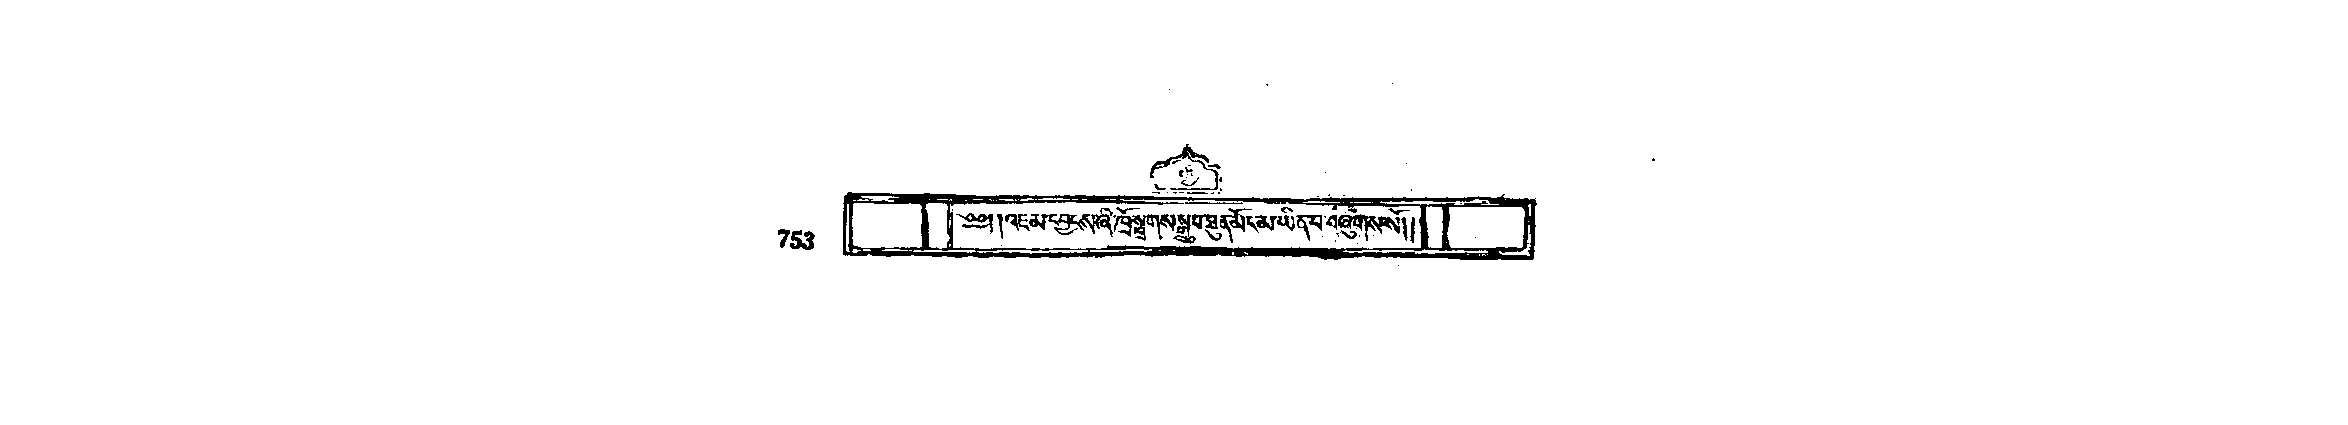??རྒྱ྄་༄༅། །འཇམ་དབྱངས་ཞི་ཁྲོ་སྦྲགས་སྒྲུབ་ཐུན་མོང་མ་ཡིན་པ་བཞུགས་སོ། །